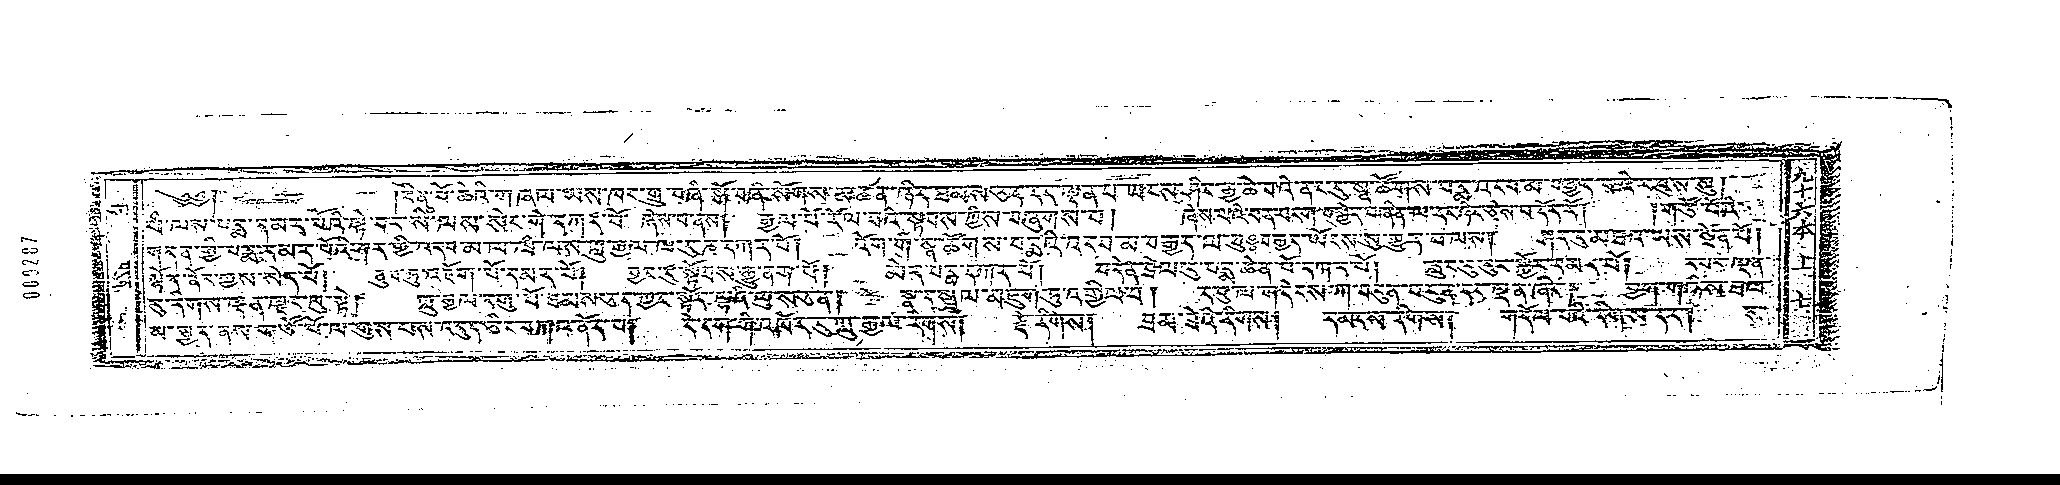༄༅། །རིན་པོ་ཆེའི་གཞལ་ཡས་ཁང་གྲུ་བཞི་སྒོ་བཞི་སོགས་མཚན་ཉིད་ཐམས་ཅད་དང་ལྡན་པ་ཡངས་ཤིང་རྒྱ་ཆེ་བའི་ནང་དུ་སྣ་ཚོགས་པདམ་འདབ་མ་བརྒྱད་པའི་དབུས་སུ་
པཾ་ལས་པདམ་དམར་པོའི་ལྟེ་བར་སིཾ་ལས་སེང་གེ་དཀར་པོ་ཞེས་བ་ནས། །རྒྱལ་པོ་རོལ་བའི་སྟབས་ཀྱིས་བཞུགས་པ། །ཞེས་པའི་བར་བདག་བསྐྱེད་བཞིན་ལ་རང་ཉིད་ཅེབ་པ་དོར་རོ། །གཙོ་བོའི་
གདན་གྱི་པདམ་དམར་པོའི་ཤར་གྱི་འདབ་མ་ལ་ཝཾ་ལས་ཀླུ་རྒྱལ་ཝ་རུ་ཎ་དཀར་བོ། །འོག་གི་སྣ་ཚོགས་པདམའི་འདབ་མ་བརྒྱད་ལ་ཕུཿ བརྒྱད་ཡོངས་སུ་གྱུར་པ་ལས། ཤར་དུ་མཐའ་ཡས་སྔོན་པོ།།
ལྷོར་ནོར་རྒྱས་སེར་པོ། །ནུབ་ཏུ་འཇོག་པོ་དམར་པོ། །བྱང་དུ་སྟོབས་རྒྱུ་ནག་པོ། །མེར་པདམ་དཀར་པོ། །བདེན་བྲལ་དུ་པདམ་ཆེན་པོ་དཀར་པོ། རླུང་བ་དུ་དུང་སྐྱོང་དམར་པོ། དབང་ལྡན་
དུ་རིགས་ལྡན་ལྗང་ཁུ་སྟེ། །ཀླུ་རྒྱལ་དགུ་པོ་ཐམས་ཅད་ཀྱང་སྟོང་ལྷའི་ལུས་ཅན། །སྨད་སྦྲུལ་མཇུག་ཏུ་འཁྱིལ་བ། དབུ་ལ་གདེངས་ཀ་བདུན་བདུན་དང་ལྡན་ཞིང་། །ཕྱག་གཉིས་བྲ་ལ་
མོ་སྦྱར་ནས་གཙོ་བོ་ལ་གུས་པས་འདུད་ཅིང་བཀའ་ནོད་པ། །དེ་དག་གི་འཁོར་དུ་ཀླུ་རྒྱལ་རིགས། །རྗེ་རིགས། །བྲམ་ཟེའི་རིགས། །དམངས་རིགས། །གདོལ་པའི་རིགས་དང་། །ས་